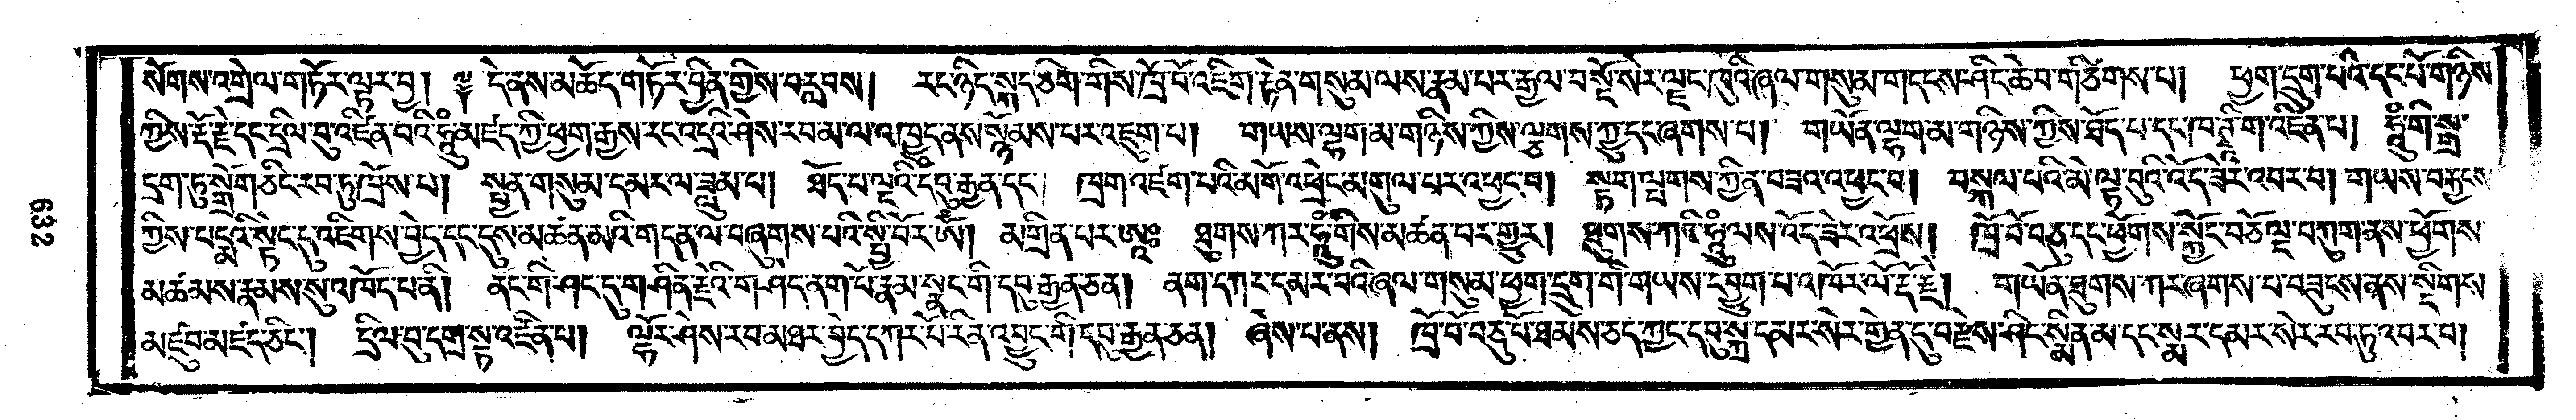སོགས་འགྲེལ་གཏོར་ལྟར་བྱ། ༈ དེ་ནས་མཆོད་གཏོར་བྱིན་གྱིས་བརླབས། རང་ཉིད་སྐད་ཅིག་གིས་ཁྲོ་བོ་འཇིག་རྟེན་གསུམ་ལས་རྣམ་པར་རྒྱལ་བསྔོ་སེར་ལྗང་ཁུའི་ཞལ་གསུམ་གདངས་ཤིང་ཆེ་བ་གཙིགས་པ། ཕྱག་དྲུག་པའི་དང་པོ་གཉིས་
ཀྱིས་རྡོ་རྗེ་དང་དྲིལ་བུ་འཛིན་བའི་ཧཱུཾ་མཛད་ཀྱི་ཕྱག་རྒྱས་རང་འདྲའི་ཤེས་རབ་མ་ལ་འཁྱུད་ནས་སྙོམས་པར་འཇུག་པ། གཡས་ལྷག་མ་གཉིས་ཀྱིས་ལྕགས་ཀྱུ་དང་ཞགས་པ། གཡོན་ལྷག་མ་གཉིས་ཀྱིས་ཐོད་པ་དང་ཁ་ཊྭཱི་ག་འཛིན་པ། ཧཱུཾ་གི་སྒྲ་
དྲག་ཏུ་སྒྲོག་ཅིང་རབ་ཏུ་ཁྲོས་པ། སྤྱན་གསུམ་དམར་ལ་ཟླུམ་པ། ཐོད་པ་ལྔའི་དབུ་རྒྱན་དང་། ཁྲག་འཛག་པའི་ངོ་འཕྲེང་མགུལ་པར་འཕྱད་བ། སྟག་སྤགས་ཀྱི་ན་བཟའ་འཕྱད་བ། བསྐལ་པའི་མེ་ལྟ་བུའི་འོད་ཟེར་འབར་བ། གཡས་བརྐྱངས་
ཀྱིས་པདམའི་སྟེང་དུ་འཇིགས་བྱེད་དང་དུས་མཚན་མའི་གདན་ལ་བཞུགས་པའི་སྤྱི་བོར་ཨོཾ། མགྲིན་པར་ཨཱཿ ཐུགས་ཀར་ཧཱུཾ་གིས་མཚན་བར་གྱུར། ཐུགས་ཀའི་ཧཱུཾ་ལས་འོད་ཟེར་འཕྲོས། ཁྲོ་བོ་བཅུ་དང་ཕྱོགས་སྐྱོང་བཅོ་ལྔ་བཀུག་ནས་ཕྱོགས་
མཚམས་རྣམས་སུ་འཁོད་པ་ནི། ནང་གི་ཤང་དུ་གཤིན་རྗེའི་གཤེད་ནག་པོ་རྣམ་སྣང་གི་དབུ་རྒྱན་ཅན། ནག་དཀར་དམར་བའི་ཞལ་གསུམ་ཕྱག་དྲུག་གི་གཡས་དབྱུག་པ་འཁོར་ལོ་རྡོ་རྗེ། གཡོན་ཐུགས་ཀར་ཞགས་པ་བཟུངས་ནས་སྡིགས་
མཛུབ་མཛད་ཅིང་། དྲིལ་བུ་དགྲ་སྟ་འཛིན་པ། ལྷོར་ཤེས་རབ་མཐར་བྱེད་དཀར་པོ་རིན་འབྱུང་གི་དབུ་རྒྱན་ཅན། ཞེས་པ་ནས། ཁྲོ་བོ་བཅུ་པོ་ཐམས་ཅད་ཀྱང་དབུ་སྒྲ་དམར་སེར་གྱེན་དུ་བརྫེས་ཤིང་སྨིན་མ་དང་སྨར་དམར་སེར་རབ་ཏུ་འབར་བ།